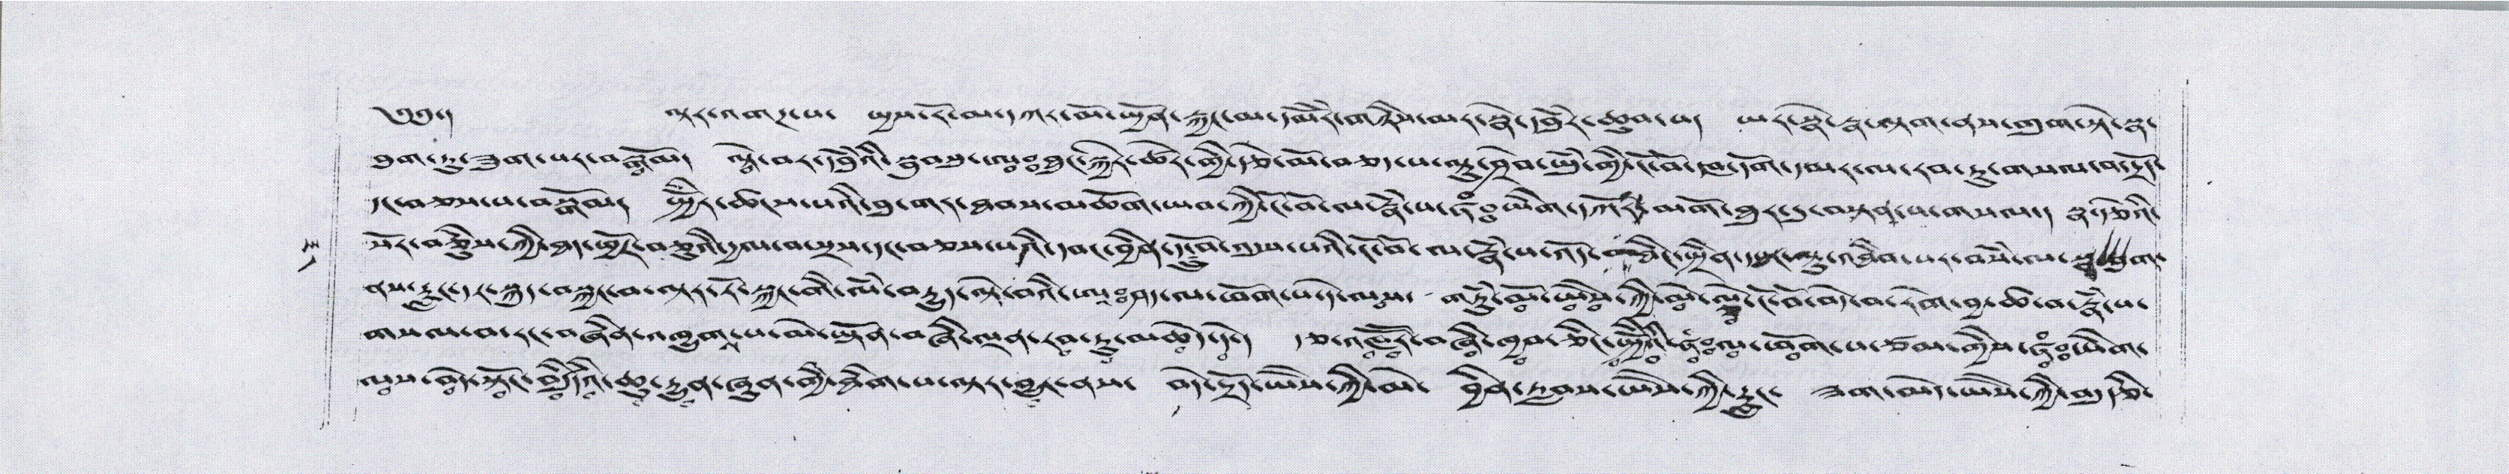ལྟར་འགག་པ། གཡས་རོ་མ་དཀར་མོ་གཡོན་རྐྱང་མ་དམར་མོ་གཉིས་མར་སྣེ་དབུ་མར་ཆུབ་པ། ཡར་སྣེ་རྣ་ལྟག་ནས་གུག་སྟེ་སྣ་
བུག་ཏུ་ཟུག་པར་བསྒོམ། ལྟེ་བར་དབུ་མའི་སྦུབས་སུ་ཨཱཿཐུང་སྐྱེར་ཚེར་གྱི་རྩེ་མོ་བཅད་པ་ལྟ་བུ་ཤེས་རབ་ཡུམ་གྱི་ངོ་བོ་ཁ་དོག་དམར་ལ་རབ་ཏུ་གསལ་བ་དྲོད་
དང་བཅས་པ་བསྒོམ། སྤྱིར་ཚངས་པའི་བུ་གར་ཐབས་མཆོག་ཡབ་ཀྱི་ངོ་བོ་ལ་རྣམ་པ་ཧཾཿཡིག་དཀར་པོ་མགོ་ཐུར་དུ་བསྟན་པ་གསལ། སྣ་རྩེའི་
སོར་བཅུ་གཉིས་ཀྱི་ཐད་ཕྱོགས་བཅུའི་རྒྱལ་བ་སྲས་དང་བཅས་པའི་དབང་བྱིན་དངོས་གྲུབ་འདུས་པའི་ངོ་བོ་ལ་རྣམ་པ་འོད་མཐིང་སྤྲིན་དཔུང་ལྟ་བུ་འཐིབས་པར་བསམ་ལ། སྣ་བུག་
ནས་རླུང་དར་སྐུད་བརྐྱང་བ་ལྟར་རོ་རྐྱང་གི་ལམ་བརྒྱུད་ལྟེ་བའི་ཨཱཿཤད་ལ་ཕོག་པ་དེ་ལས་གཏུམ་མོ་ཡེ་ཤེས་ཀྱི་མེ་ལྕེ་ངོ་བོ་བདེ་བ་རེག་བྱ་ཚ་བ་རྣམ་པ་
གསལ་བ་རང་བཞིན་འཕྱུགས་པ་མེ་ཡོན་ཏན་བཞི་ལྡན་རབ་ཏུ་མཆེད་དེ། རྩ་འཁོར་ལོ་བཞི་ཁྱབ་ཅིང་སྤྱི་བོའི་ཧཾཿལ་ཕོག་པ་ཙམ་གྱིས་ཧཾཿཡིག་
ལས་བདེ་སྟོང་བདུད་རྩིའི་ཆུ་རྒྱུན་ཞུན་གྱི་ཐིག་པ་ལྟར་བྱུང་ནས་བདེ་དྲོད་ཡེ་ཤེས་ཀྱི་མེ། བྱིན་རླབས་ཡེ་ཤེས་ཀྱི་རླུང་། ཟག་མེད་ཡེ་ཤེས་ཀྱི་བདུད་རྩི།